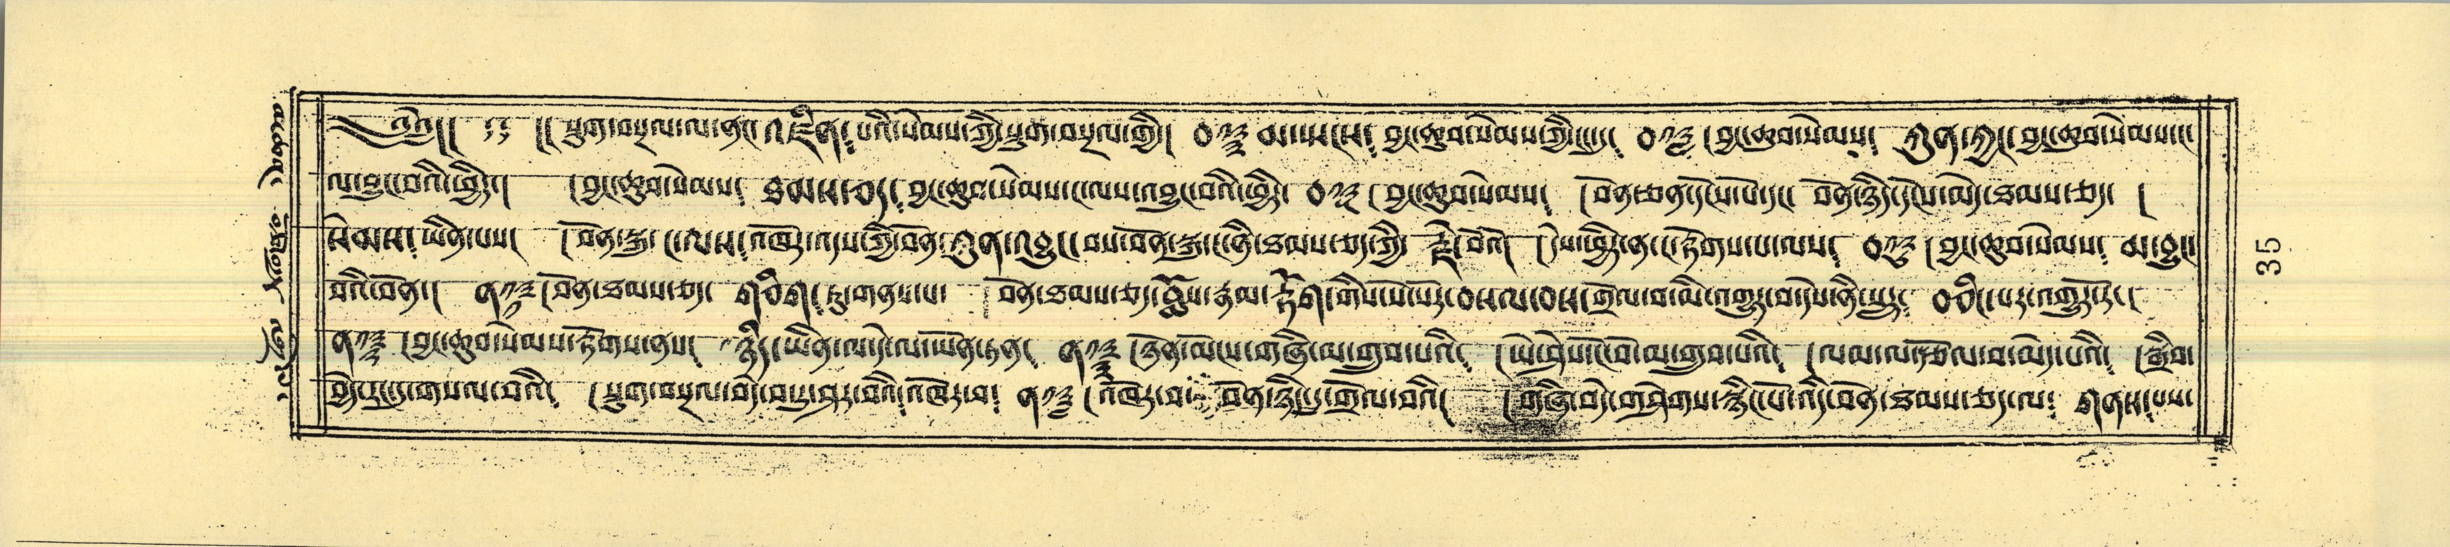སྡུག་བསྔལ་ལ་ནང་༼འཛིན༽པའི་སེམས་ཀྱི་སྡུག་བསྔལ་གྱི༽ བ༡༢།༣ བྱང་ཆུབ་སེམས་ཀྱི་ངང་དུ་བ༡༢།༤ བྱང་ཆུབ་སེམས་༼ཀུན་ཀྱང་༽བྱང་ཆུབ་སེམས་
ལས་བྱུང་བའི་ཕྱིར། བྱང་ཆུབ་སེམས་༼ཐམས་ཅད་༽བྱང་ཆུབ་སེམས་ལས་བྱུང་བའི་ཕྱིར། བ༡༢།༥ བྱང་ཆུབ་སེམས་བོན་ཅན་དངོས་པོ་དང་བོན་ཉིད་དངོས་མེད་ཐམས་ཅད་
༼སེམས༽ཡིན་པས། བོན་སྐུ་༼ང་ལས༽འཁོར་འདས་ཀྱི་བོན་༼ཀུན་འབྱུང་༽བས་ཐམས་ཅད་ཀྱི་༼རྗེ༽བོའོ། དེས་ཕྱིར་ན་ང་རྟོགས་པ་ལས་བ༡༢།༦ བྱང་ཆུབ་སེམས་༼མ་བྱུང་༽
བའི་བོན། ན༡༣།༡ བོན་ཐམས་ཅད་ ༼གཅིག་༽ཏུ་གནས་པ། བོན་ཐམས་ཅད་༼བློས༽རྣམ་༼རྟོག་༽གིས་སོ་སོར་༼བསལ་བས༽གྲོལ་བ་མི་འགྱུར་བ་དེས་ནི་སླར་༼བཅིང་བར་༽འགྱུར་རོ། 
ན༡༣།༢ བྱང་ཆུབ་སེམས་རྟོགས་ནས། ཉིད་ཡིན་ལ་དེ་ལ་ཡོན་ཏན་ན༡༣།༣ ཉོན་མོངས་གཞི་མ་གྲུབ་པའི། ཡེ་ཤེས་ངོ་བོ་མ་གྲུབ་པའི། ལམ་ལ་རྩོལ་བ་མེད་པའི། སྒྲིབ་
བྱེད་རང་དུ་གསལ་བའི། སྡུག་བསྔལ་བདེ་བ་རུ་ཤར་བའི། འཁོར་བ༑ ན༡༣།༤ འཁོར་བ་བོན་ཉིད་དུ་གྲོལ་བའི། གཞི་བདེར་གཤེགས་སྙིང་པོ་འདི་བོན་ཐམས་ཅད་ལ་ ༼གནས༽པས་